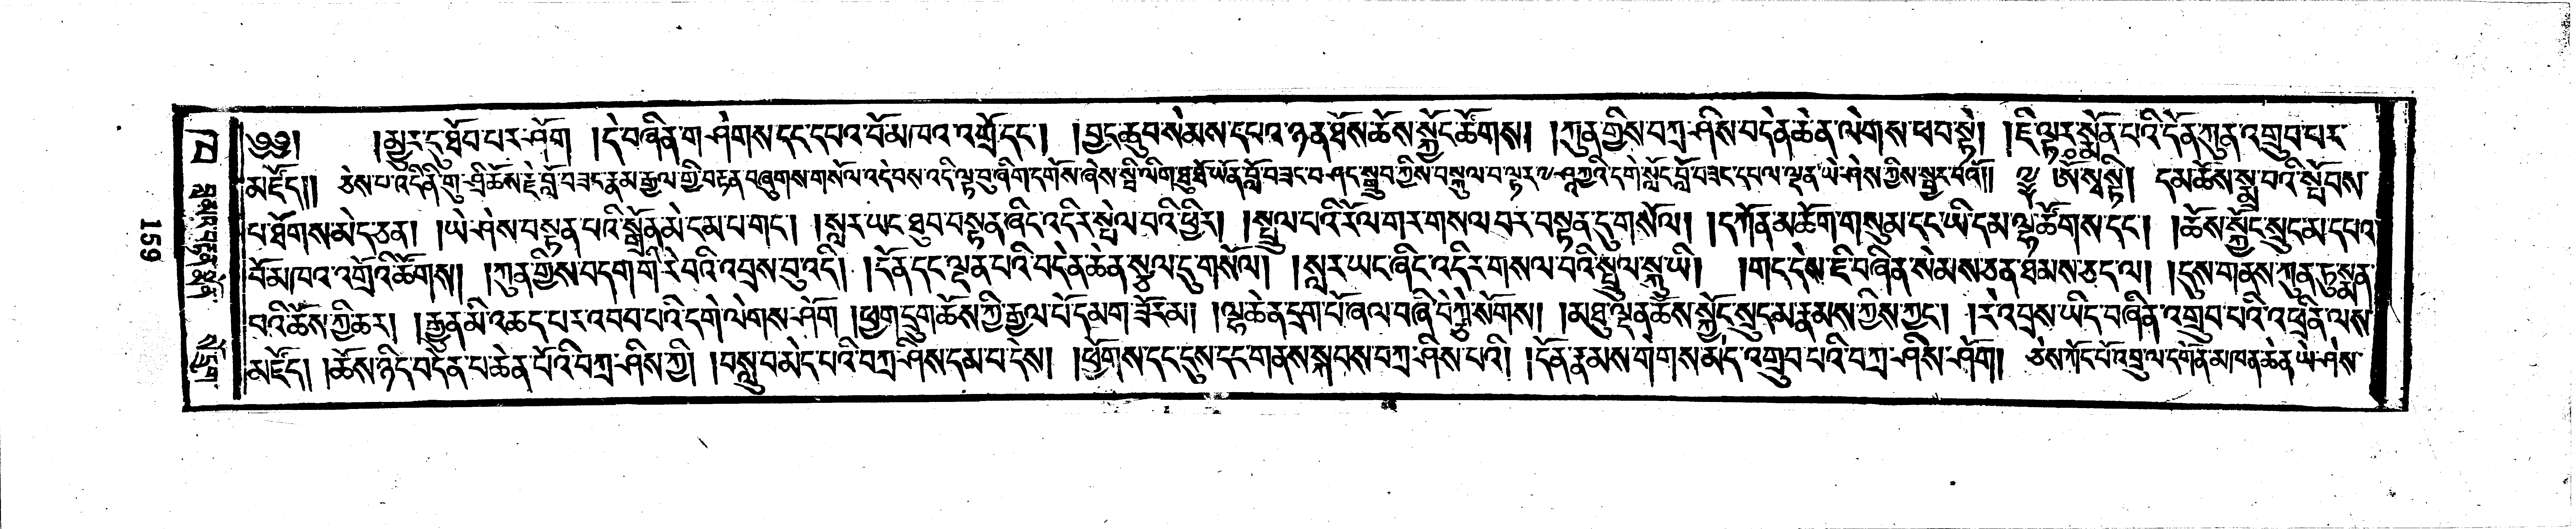༄༅། །མྱུར་དུ་ཐོབ་པར་ཤོག །དེ་བཞིན་གཤེགས་དང་དཔའ་བོ་མཁའ་འགྲོ་དང་། །བྱང་ཆུབ་སེམས་དཔའ་ཉན་ཐོས་ཆོས་སྐྱོང་ཚོགས། །ཀུན་གྱིས་བཀྲ་ཤིས་བདེན་ཆེན་ལེགས་ཕབ་སྟེ། །ཇི་ལྟར་སྨོན་པའི་དོན་ཀུན་འགྲུབ་པར་
མཛོད།། ཅེས་པ་འདི་ནི་གུ་ཤྲི་ཆོས་རྗེ་བློ་བཟང་རྣམ་རྒྱལ་གྱི་བརྟན་བཞུགས་གསོལ་འདེབས་འདི་ལྟ་བུ་ཞིག་དགོས་ཞེས་སྦི་ལིག་ཐུ་ཐོ་ཡོན་བློ་བཟང་བཤད་སྒྲུབ་ཀྱིས་བསྐུལ་བ་ལྟར་༧་ཤཱཀྱའི་དགེ་སློང་བློ་བཟང་དཔལ་ལྡན་ཡེ་ཤེས་ཀྱིས་སྦྱར་བའོ།། ༈ ཨོཾ་སྭསྟི། དམ་ཆོས་སྨྲ་བའི་སྤོབས་
པ་ཐོགས་མེད་ཅན། །ཡེ་ཤེས་བསྟན་པའི་སྒྲོན་མེ་དམ་པ་གང་། །སླར་ཡང་ཐུབ་བསྟན་ཞིང་འདིར་སྤེལ་བའི་ཕྱིར། །སྤྲུལ་པའི་རོལ་གར་གསལ་བར་བསྟན་དུ་གསོལ། །དཀོན་མཆོག་གསུམ་དང་ཡི་དམ་ལྷ་ཚོགས་དང་། །ཆོས་སྐྱོང་སྲུང་མ་དཔའ་
བོ་མཁའ་འགྲོའི་ཚོགས། །ཀུན་གྱིས་བདག་གི་རེ་བའི་འབྲས་བུ་འདི། །དོན་དང་ལྡན་པའི་བདེན་ཆེན་སྩལ་དུ་གསོལ། །སླར་ཡང་ཞིང་འདིར་གསལ་བའི་སྤྲུལ་སྐུ་ཡི། །གང་དེས་ཇི་བཞིན་སེམས་ཅན་ཐམས་ཅད་ལ། །དུས་གནས་ཀུན་ཏུ་སྨན་
བའི་ཆོས་ཀྱི་ཆར། །རྒྱུན་མི་འཆད་པར་འབབ་པའི་དགེ་ལེགས་ཤོག །ཕྱག་དྲུག་ཆོས་ཀྱི་རྒྱལ་པོ་དམག་ཟོར་མ། །ལྷ་ཆེན་དྲག་པོ་ཞལ་བཞི་བེཀྩེ་སོགས། །མཐུ་ལྡན་ཆོས་སྐྱོང་སྲུང་མ་རྣམས་ཀྱིས་ཀྱང་། །རེ་འབྲས་ཡིད་བཞིན་འགྲུབ་པའི་འཕྲིན་ལས་
མཛོད། །ཆོས་ཉིད་བདེན་པ་ཆེན་པོའི་བཀྲ་ཤིས་ཀྱི། །བསླུ་བ་མེད་པའི་བཀྲ་ཤིས་དམ་པ་དེས། །ཕྱོགས་དང་དུས་དང་གནས་སྐབས་བཀྲ་ཤིས་པའི། །དོན་རྣམས་གེགས་མེད་འགྲུབ་པའི་བཀྲ་ཤིས་ཤོག། ཅེས་ཀོང་པོ་འབྲུ་ལ་དགོན་མཁན་ཆེན་ཡེ་ཤེས་